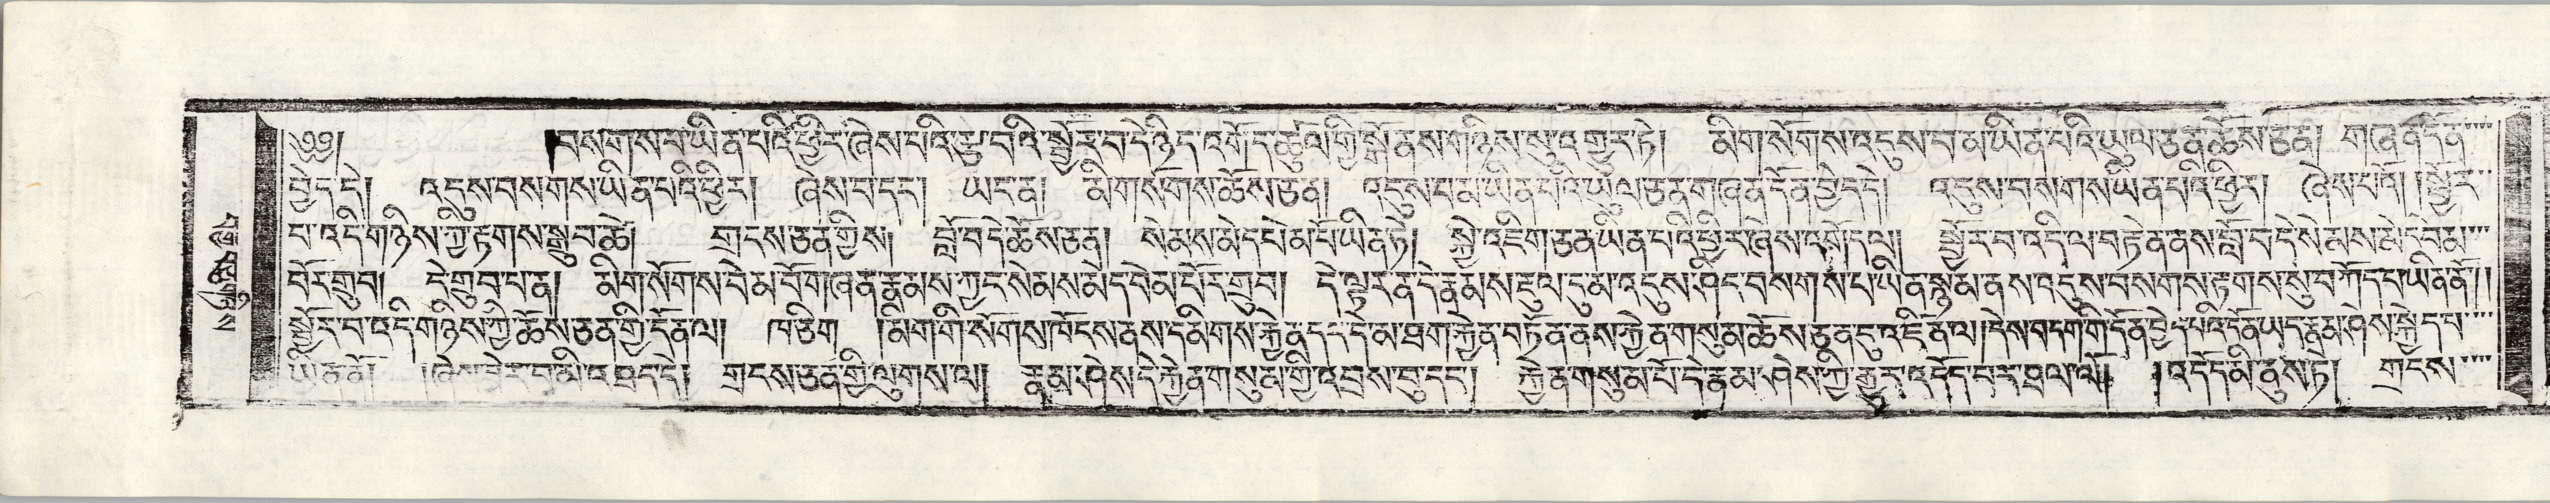༄༅། །བསགས་པ་ཡིན་པའི་ཕྱིར་ཞེས་པའི་རྩ་བའི་སྦྱོར་བ་དེ་ཉིད་འགོད་ཚུལ་གྱི་སྒོ་ནས་གཉིས་སུ་འགྱུར་ཏེ། མིག་སོགས་འདུས་པ་མ་ཡིན་པའི་ཡུལ་ཅན་ཆོས་ཅན། གཞན་དོན་
བྱེད་དེ། འདུས་བསགས་ཡིན་པའི་ཕྱིར། ཞེས་པ་དང་། ཡང་ན། མིག་སོགས་ཆོས་ཅན། འདུས་པ་མ་ཡིན་པའི་ཡུལ་ཅན་གཞན་དོན་བྱེད་དེ། འདུས་བསགས་ཡིན་པའི་ཕྱིར། ཞེས་པའོ། །སྦྱོར་
བ་འདི་གཉིས་ཀྱི་རྟགས་སྒྲུབ་ཚེ། གྲངས་ཅན་གྱིས། བློ་བདེ་ཆོས་ཅན། སེམས་མེད་བེམ་པོ་ཡིན་ཏེ། སྐྱེ་འཇིག་ཅན་ཡིན་པའི་ཕྱིར་ཞེས་འགོད་ལ། སྦྱོར་བ་འདི་ལ་བརྟེན་ནས་བློ་བདེ་སེམས་མེད་བེམ་
པོར་གྲུབ། དེ་གྲུབ་པ་ན། མིག་སོགས་བེམ་པོ་གཞན་རྣམས་ཀྱང་སེམས་མེད་བེམ་པོར་གྲུབ། དེ་ལྟར་ན་དེ་རྣམས་རྡུལ་དུ་མ་འདུས་ཤིང་བསགས་པ་ཡིན་སྙམ་ནས་འདུས་བསགས་རྟགས་སུ་བཀོད་པ་ཡིན་ནོ།།
སྦྱོར་བ་འདི་གཉིས་ཀྱི་ཆོས་ཅན་གྱི་དོན་ལ། ཁ་ཅིག །མིག་གི་སོགས་ཁོངས་ནས་དམིགས་རྐྱེན་དང་དེ་མ་ཐག་རྐྱེན་བཏོན་ནས་རྐྱེན་གསུམ་ཆོས་ཅན་དུ་འཛིན་ལ། དེས་བདག་གི་དོན་བྱེད་པའི་དོན་ཡང་རྣམ་ཤེས་སྐྱེད་པ་
ཡིན་ནོ། །ཞེས་ཟེར་བ་མི་འཐད་དེ། གྲངས་ཅན་གྱི་ལུགས་ལ། རྣམ་ཤེས་དེ་རྐྱེན་གསུམ་གྱི་འབྲས་བུ་དང་། རྐྱེན་གསུམ་པོ་དེ་རྣམ་ཤེས་ཀྱི་རྒྱུར་འདོད་པར་ཐལ་ལོ། །འདོད་མི་ནུས་ཏེ། གྲངས་